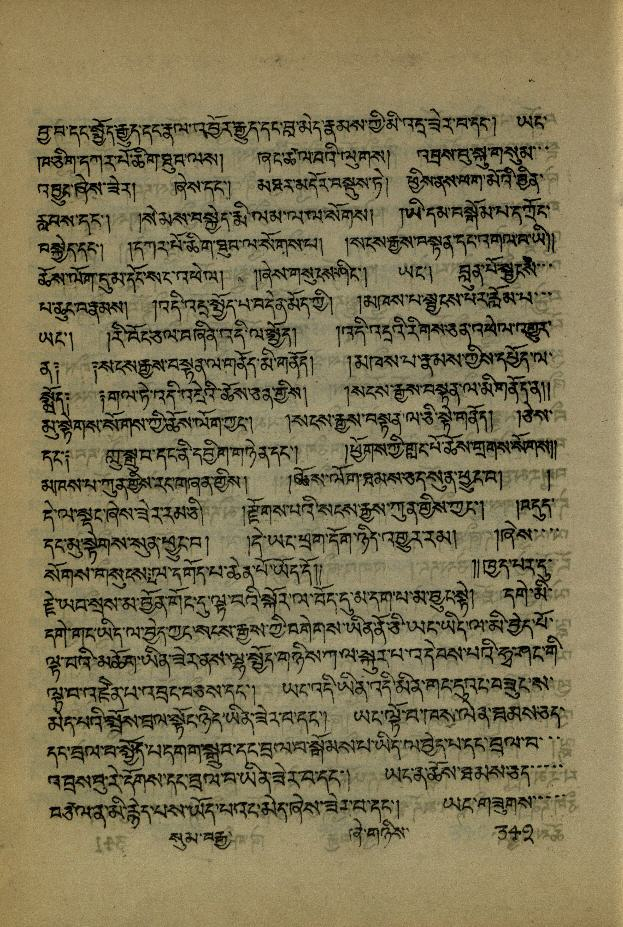བྱ་བ་དང་སྤྱོད་རྒྱུད་དང་རྣལ་འབྱོར་རྒྱུད་དང་བླ་མེད་རྣམས་ཀྱི་མི་འདྲ་ཟེར་བ་དང་། ཡང་
ཁ་ཅིག་དཀར་པོ་ཆིག་ཐུབ་ལས། ཞང་ཚལ་བའི་ལུགས། འབྲས་བུ་སྐུ་གསུམ་
འབྱུང་ཞེས་ཟེར། ཞེས་དང་། མཐར་མདོར་བསྡུས་ཏེ། ཕྱིས་ནས་ཕག་མོའི་བྱིན་
རླབས་དང་། །སེམས་བསྐྱེད་རྨི་ལམ་ལ་ལ་སོགས། །ཡི་དམ་བསྒོམ་པ་དཀྲོང་
བསྐྱེད་དང་། །དཀར་པོ་ཆིག་ཐུབ་ལ་སོགས་པ། །སངས་རྒྱས་བསྟན་དང་འགལ་བ་ཡི།།
ཆོས་ལོག་དུ་མ་དོང་སང་འཕེལ། །ཞེས་གསུངས་ཤིང་། ཡང་། བླུན་པོ་སྦྱངས་
པ་ཆུང་བ་རྣམས། །འདི་འདྲ་སྤྱོད་པ་བདེན་མོད་ཀྱི། །མཁས་པ་སྦྱངས་པར་རློམ་པ་
ཡང་། །རི་བོང་ཅལ་བཞིན་འདི་ལ་སྤྱོད། །འདི་འདྲའི་རིགས་ཅན་འཕེལ་འགྱུར་
ན༑ ༑སངས་རྒྱས་བསྟན་ལ་གནོད་མི་གནོད། །མཁས་པ་རྣམས་ཀྱིས་དཔྱོད་ལ་
སྨྲོད༑ ༑གལ་ཏེ་འདི་འདྲེའི་ཆོས་ཅན་གྱིས། །སངས་རྒྱས་བསྟན་ལ་མི་གནོད་ན།།
མུ་སྟེགས་སོགས་ཀྱི་ཆོས་ལོག་ཀྱང་། །སངས་རྒྱས་བསྟན་ལ་ཅི་སྟེ་གནོད། །ཅེས་
དང༑ ཀླུ་སྒྲུབ་དང་ནི་དབྱིག་གཉེན་དང་། །ཕྱོགས་ཀྱི་གླང་པོ་ཆོས་གྲགས་སོགས།།
མཁས་པ་ཀུན་གྱིས་རང་གཞན་གྱིས། །ཆོས་ལོག་ཐམས་ཅད་སུན་ཕྱུང་བ། །
དེ་ལ་སྡང་ཞེས་ཟེར་རམ་ཅི། །རྫོགས་པའི་སངས་རྒྱས་ཀུན་གྱིས་ཀྱང་། །བདུད་
དང་མུ་སྟེགས་སུན་ཕྱུང་བ། །དེ་ཡང་ཕྲག་དོག་ཉིད་འགྱུར་རམ། །ཞེས་
སོགས་གསུངས་པ་ལ་དགོད་པ་ཆེན་པོ་ཡོད་དོ།། །།ཁྱད་པར་དུ་
རྗེ་ཡབ་སྲས་མ་བྱོན་གོང་དུ་ལྟ་བའི་སྐོར་ལ་བོད་དུ་མ་དག་པ་མ་བྱུང་སྟེ། དགེ་མི་
དགེ་གང་ཡིད་ལ་བྱེད་ཀྱང་སངས་རྒྱས་ཀྱི་བགེགས་ཡིན་ནོ་ཅི་ཡང་ཡིད་ལ་མི་བྱེད་པོ་
ལྟ་བའི་མཆོག་ཡིན་ཟེར་ནས་ལྷ་སྤྱོད་གཉིས་ཀ་ལ་སྐུར་པ་འདེབས་པའི་ཧྭ་ཤང་གི་
ལྟ་བ་འཛིན་པ་འབྲང་བཅས་དང་། ཡང་འདི་ཡིན་འདི་མིན་གང་དུའང་བཟུངས་
མེད་པའི་སྤྲོས་བྲལ་སྟོང་ཉིད་ཡིན་ཟེར་བ་དང་། ཡང་ལྟོ་བ་ཁས་ལེན་ཐམས་ཅད་
དང་བྲལ་བ་སྤྱོད་པ་དགག་སྒྲུབ་དང་བྲལ་བ་སྒོམས་པ་ཡིད་ལ་བྱེད་པ་དང་བྲལ་བ་
འབྲས་བུ་རེ་དོགས་དང་བྲལ་བ་ཡིན་ཟེར་བ་དང་། ཡང་ན་ཆོས་ཐམས་ཅད་
བཙལ་ན་མི་རྙེད་པས་ཡོད་པའང་མེད་ཞེས་ཟེར་བ་དང་། ཡང་གཟུགས་